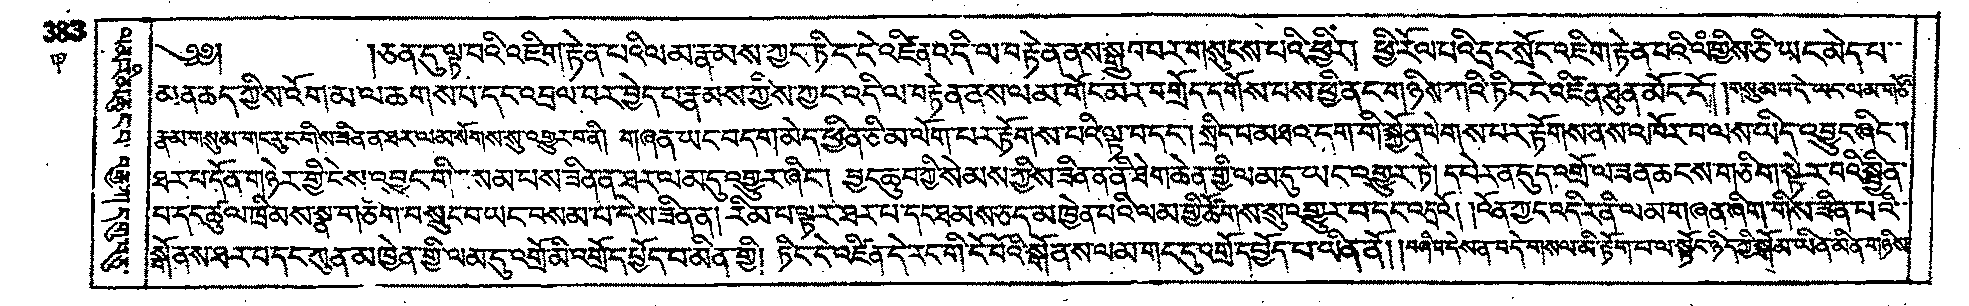༄༅། །ཅན་དུ་ལྟ་བའི་འཇིག་རྟེན་པའི་ལམ་རྣམས་ཀྱང་ཏིང་ངེ་འཛིན་འདི་ལ་བརྟེན་ནས་སྒྲུབ་པར་གསུངས་པའི་ཕྱིར། ཕྱི་རོལ་པའི་དྲང་སྲོང་འཇིག་རྟེན་པའི་ལཾ་གྱིས་ཅི་ཡང་མེད་པ་
མན་ཆད་ཀྱི་ས་འོག་མ་ལ་ཆགས་པ་དང་འབྲལ་བར་བྱེད་པ་རྣམས་ཀྱིས་ཀྱང་འདི་ལ་བརྟེན་ནས་ལམ་གོང་མར་བགྲོད་དགོས་པས་ཕྱི་ནང་གཉིས་ཀའི་ཏིང་ངེ་འཛིན་ཐུན་མོང་ངོ། །གསུམ་པ་དེ་ཡང་ལམ་གཙོ་
རྣམ་གསུམ་གང་རུང་གིས་ཟིན་ན་ཐར་ལམ་སོགས་སུ་འགྱུར་བ་ནི། གཞན་ཡང་བདག་མེད་ཕྱིན་ཅི་མ་ལོག་པར་རྟོགས་པའི་ལྟ་བ་དང་། སྲིད་པ་མཐའ་དག་གི་སྐྱོན་ལེགས་པར་རྟོགས་ནས་འཁོར་བ་ལས་ཡིད་འབྱུང་ཞིང་།
ཐར་པ་དོན་གཉེར་གྱི་ངེས་འབྱུང་གི་བསམས་པས་ཟིན་ན་ཐར་ལམ་དུ་འགྱུར་ཞིང་། བྱང་ཆུབ་སེམས་ཀྱིས་ཟིན་ན་ནི་ཐེག་ཆེན་གྱི་ལམ་དུ་ཡང་འགྱུར་ཏེ། དཔེར་ན་དུད་འགྲོ་ལ་ཟན་ཆངས་གཅིག་སྟེར་བའི་སྦྱིན་
པ་དང་ཚུལ་ཁྲིམས་སྣ་གཅིག་བསྲུང་བ་ཡང་བསམ་པ་དེས་ཟིན་ན། རིམ་པ་ལྟར་ཐར་པ་དང་ཐམས་ཅད་མཁྱེན་པའི་ལམ་གྱི་ཚོགས་སུ་འགྱུར་བ་དང་འདྲའོ། །འོན་ཀྱང་འདིར་ནི་ལམ་གཞན་ཞིག་གིས་ཟིན་པའི་
སྒོ་ནས་ཐར་པ་དང་ཀུན་མཁྱེན་གྱི་ལམ་དུ་འགྲོ་མི་འགྲོད་བྱེད་པ་མིན་གྱི། ཏིང་ངེ་འཛིན་དེ་རང་གི་ངོ་བོའི་སྒོ་ནས་ལམ་གང་དུ་འགྲོ་དཔྱོད་པ་ཡིན་ནོ། །བཞི་བ་དེས་ན་བདེ་གསལ་མི་རྟོག་པ་ལ་སྟོང་ཉིད་ཀྱི་སྒོམ་ཡིན་མིན་གཉིས་